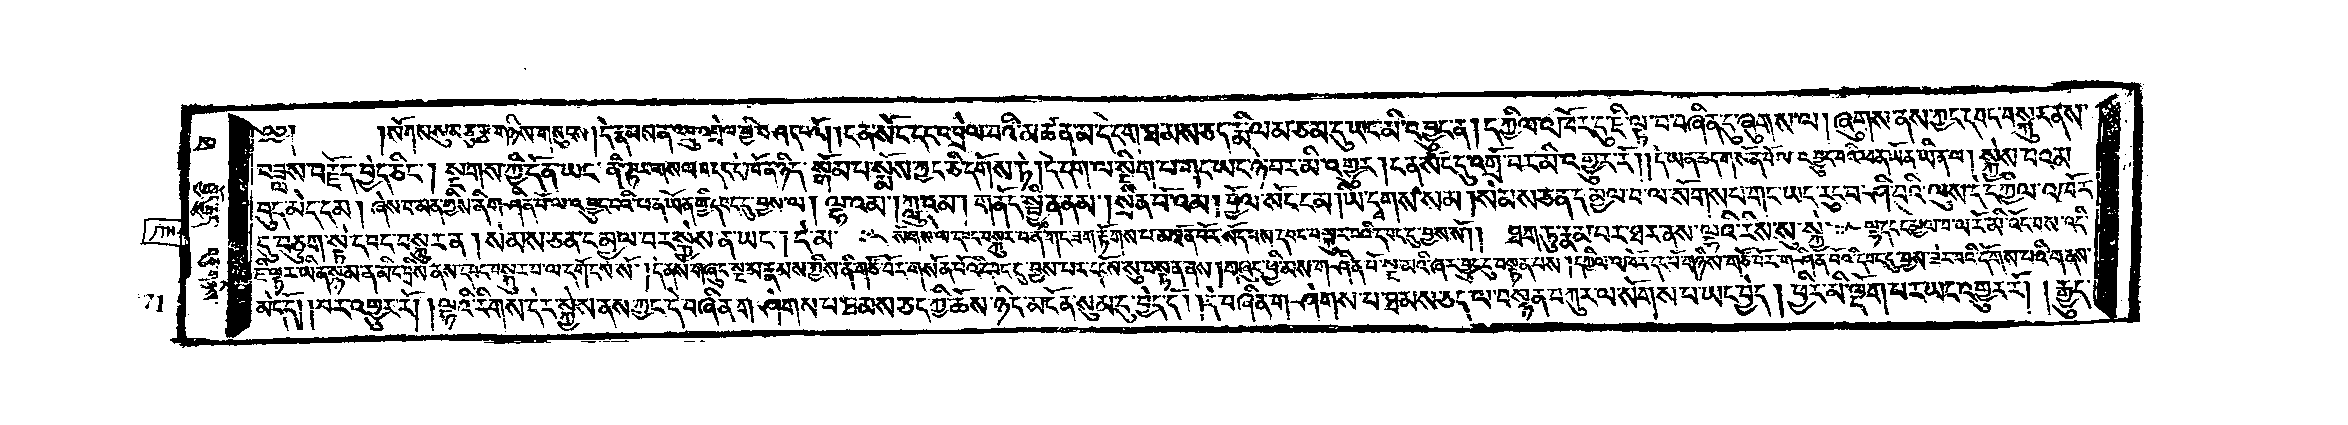༄༅། །སོགས་སུམ་ཅུ་རྩ་གཉིས་གསུངས། དེ་རྣམས་ན་འབྲུ་འགྲེལ་གྱི་བཤད་པའོ། །ངན་སོང་དང་འབྲེལ་བའི་མཚན་མ་དེ་དག་ཐམས་ཅད་རྨི་ལམ་ཙམ་དུ་ཡང་མི་འབྱུང་ན། དཀྱིལ་འཁོར་དུ་ཇི་ལྟ་བ་བཞིན་དུ་ཞུགས་ལ། ཞུགས་ནས་ཀྱང་དབང་བསྐུར་ནས་
བཟླས་བརྗོད་བྱེད་ཅིང་། སྔགས་ཀྱི་དོན་ཡང་ནོ་ལྷར་གསལ་བ་དང་དེ་ཁོ་ན་ཉིད་སྒོམ་པ་སྨོས་ཀྱང་ཅི་དགོས་ཏེ། དེ་དག་ལ་སྡོག་པ་གང་ཡང་ཉེ་བར་མི་འགྱུར། ངན་སོང་དུ་འགྲོ་བར་མི་འགྱུར་རོ། །དེ་ཡན་ཆད་གསོན་བོ་ལ་འབྱུང་བའི་ཕན་ཡོན་ཡིན་ལ།  སྐྱེས་བའམ་
བུད་མེད་དམ། ཞེས་པ་མན་གྱིས་ནི་གཤེན་པོ་ལ་འབྱུང་བའི་ཕན་ཡོན་གྱི་དབང་དུ་བྱས་ལ།  ལྷ་འམ། ཀླུ་འམ། གནོད་སྦྱིན་ནམ། སྲིན་པོ་འམ། བྱོལ་སོང་ངམ། ཡི་དྭགས་སམ། སེམས་ཅན་དམྱལ་བ་ལ་སོགས་པ་གང་ཡང་རུང་བ་ཤི་བའི་ལུས་དེ་དཀྱིལ་འཁོར་
དུ་བཅུག་སྟེ་དབང་བསྐུར་ན། སེམས་ཅན་དམྱལ་བར་སྐྱེས་ན་ཡང་། དེ་མ་H.་སོགས་ལ་དབང་བསྐུར་བ་ནི་གང་ཟག་རྟོགས་པ་མཐོན་པོར་སེད་བས་དབང་བསྐུར་བའི་དབང་དུ་བྱས་སོ།  །ཐག་ཏུ་རྣམ་པར་ཐར་ནས་ལྷའི་རིས་སུ་སྐྱེ་H.་ལྷ་དང་དམྱལ་བ་ལ་རོ་མི་འོང་བས་འདི་
ཇི་ལྟར་ཡིན་སྙམ་ན་མིང་བྲིས་ནས་དབང་བསྐུར་བ་ལ་དགོངས་སོ། དེ་ནས་གཞུང་སྔ་མ་རྣམས་ཀྱིས་ནི་གཙོ་བོར་གསོན་པོའི་དབང་དུ་བྱས་པར་དངོས་སུ་བསྟན་ནས། གཞུང་ཕྱི་མས་གཤིན་པོ་སྔ་མའི་ཞར་བྱུང་དུ་བསྟན་པས། དཀྱིལ་འཁོར་དང་པོ་གཉིས་གཙོ་བོར་གཤེན་བོའི་དབང་དུ་བྱས་ཟེར་བའི་དགོས་པའི་གནས་
མེད་དོ། །བར་འགྱུར་རོ། །ལྷའི་རིགས་དེར་སྐྱེས་ནས་ཀྱང་དེ་བཞིན་གཤེགས་པ་ཐམས་ཅད་ཀྱི་ཆོས་ཉིད་མངོན་སུམ་དུ་བྱེད་དོ། །དེ་བཞིན་གཤེགས་པ་ཐམས་ཅད་ལ་བསྙན་བཀུར་ལ་སོགས་པ་ཡང་བྱེད། ཕྱིར་མི་ལྡོག་པར་ཡང་འགྱུར་རོ། །རྒྱུད་